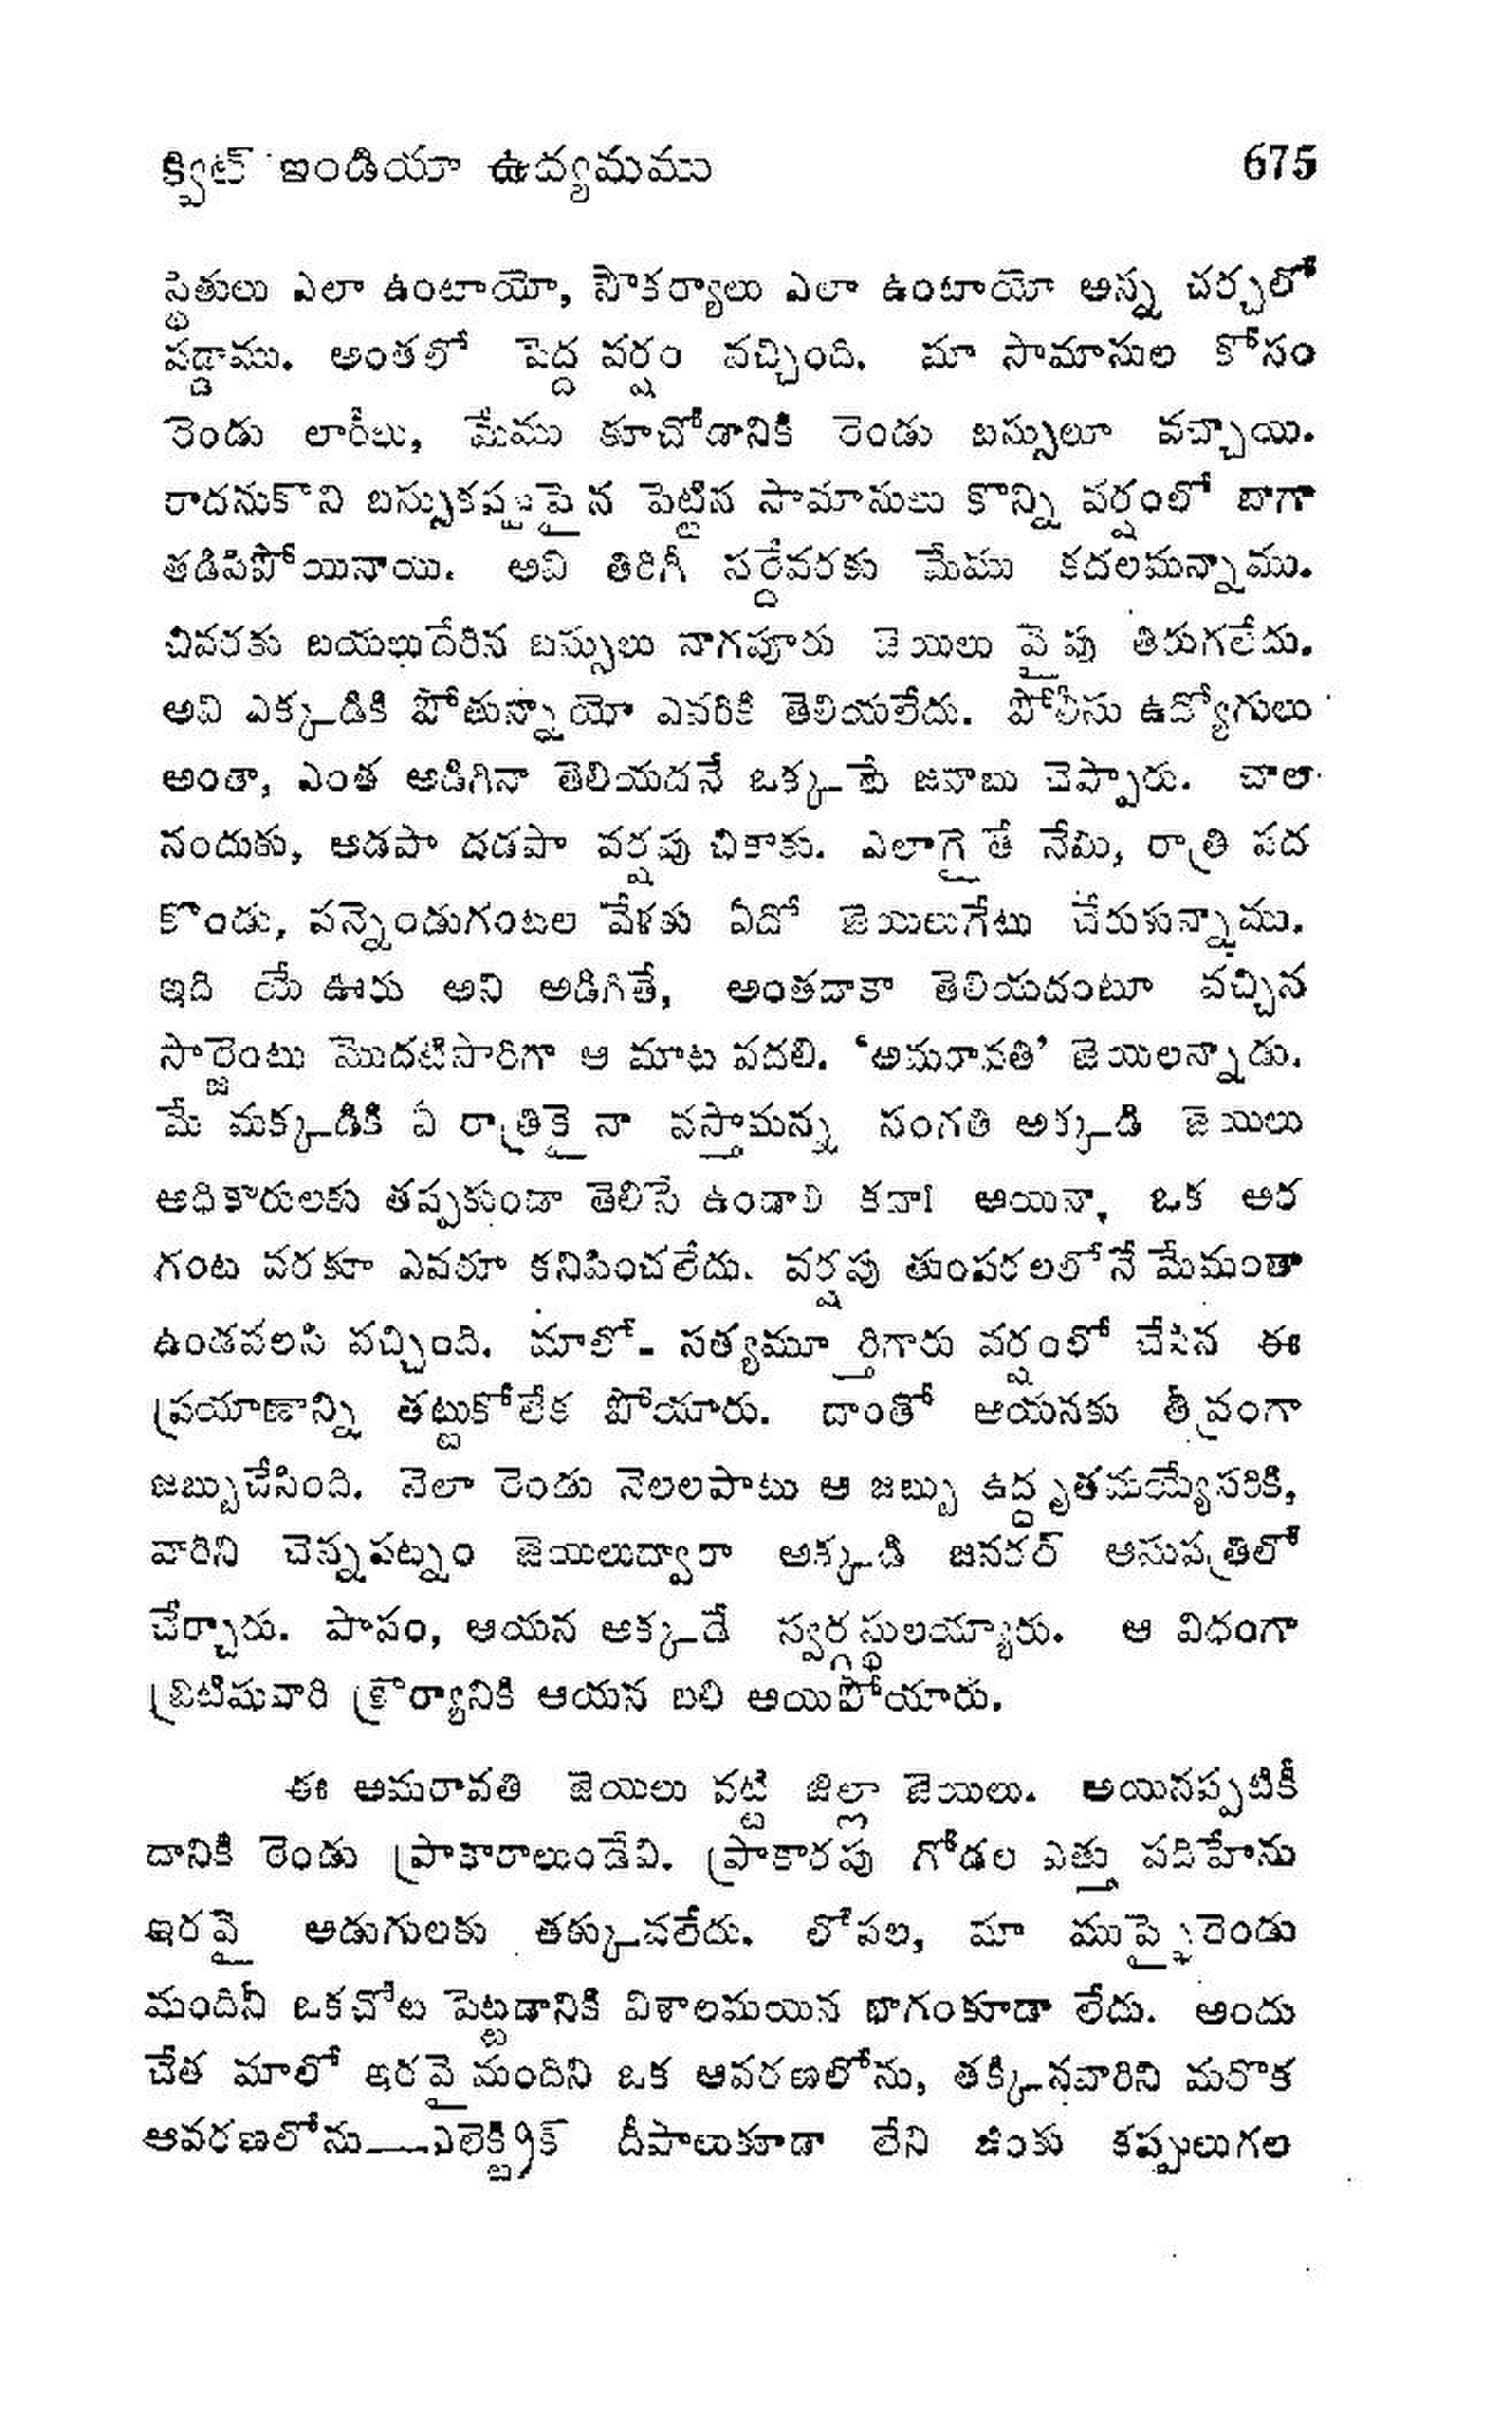స్థితులు ఎలా ఉంటాయో, సౌకర్యాలు ఎలా ఉంటాయో అన్న చర్చలో పడ్డాము. అంతలో పెద్ద వర్షం వచ్చింది. మా సామానుల కోసం రెండు లారీలు, మేము కూచోడానికి రెండు బస్సులూ వచ్చాయి. రాదనుకొని బస్సుకప్పుపైన పెట్టిన సామానులు కొన్ని వర్షంలో బాగా తడిసిపోయినాయి. అవి తిరిగీ సర్దేవరకు మేము కదలమన్నాము. చివరకు బయలుదేరిన బస్సులు నాగపూరు జెయిలు వైపు తిరుగలేదు. అవి ఎక్కడికి పోతున్నాయో ఎవరికి తెలియలేదు. పోలీసు ఉద్యోగులు అంతా, ఎంత అడిగినా తెలియదనే ఒక్కటే జవాబు చెప్పారు. చాలనందుకు, అడపా దడపా వర్షపు చికాకు. ఎలాగైతే నేమి, రాత్రి పదకొండు, పన్నెండుగంటల వేళకు ఏదో జెయిలుగేటు చేరుకున్నాము. ఇది యే ఊరు అని అడిగితే, అంతదాకా తెలియదంటూ వచ్చిన సార్జెంటు మొదటిసారిగా ఆ మాట వదలి, 'అమరావతి" జెయిలన్నాడు. మే మక్కడికి ఏ రాత్రికైనా వస్తామన్న సంగతి అక్కడి జెయిలు అధికారులకు తప్పకుండా తెలిసే ఉండాలి కదా! అయినా, ఒక అరగంట వరకూ ఎవరూ కనిపించలేదు. వర్షపు తుంపరలలోనే మేమంతా ఉండవలసి వచ్చింది. మాలో - సత్యమూర్తిగారు వర్షంలో చేసిన ఈ ప్రయాణాన్ని తట్టుకోలేక పోయారు. దాంతో ఆయనకు తీవ్రంగా జబ్బుచేసింది. నెలా రెండు నెలలపాటు ఆ జబ్బు ఉద్ధృతమయ్యేసరికి, వారిని చెన్నపట్నం జెయిలుద్వారా అక్కడి జనరల్ ఆసుపత్రిలో చేర్చారు. పాపం, ఆయన అక్కడే స్వర్గస్థులయ్యారు. ఆ విధంగా బ్రిటిషువారి క్రౌర్యానికి ఆయన బలి అయిపోయారు.

ఈ అమరావతి జెయిలు వట్టి జిల్లా జెయిలు. అయినప్పటికీ దానికి రెండు ప్రాకారాలుండేవి. ప్రాకారపు గోడల ఎత్తు పదిహేను ఇరవై అడుగులకు తక్కువలేదు. లోపల, మా ముప్పైరెండుమందినీ ఒకచోట పెట్టడానికి విశాలమయిన భాగంకూడా లేదు. అందుచేత మాలో ఇరవై మందిని ఒక ఆవరణలోను, తక్కినవారిని మరొక ఆవరణలోను - ఎలెక్ట్రిక్ దీపాలుకూడా లేని జింకు కప్పులుగల